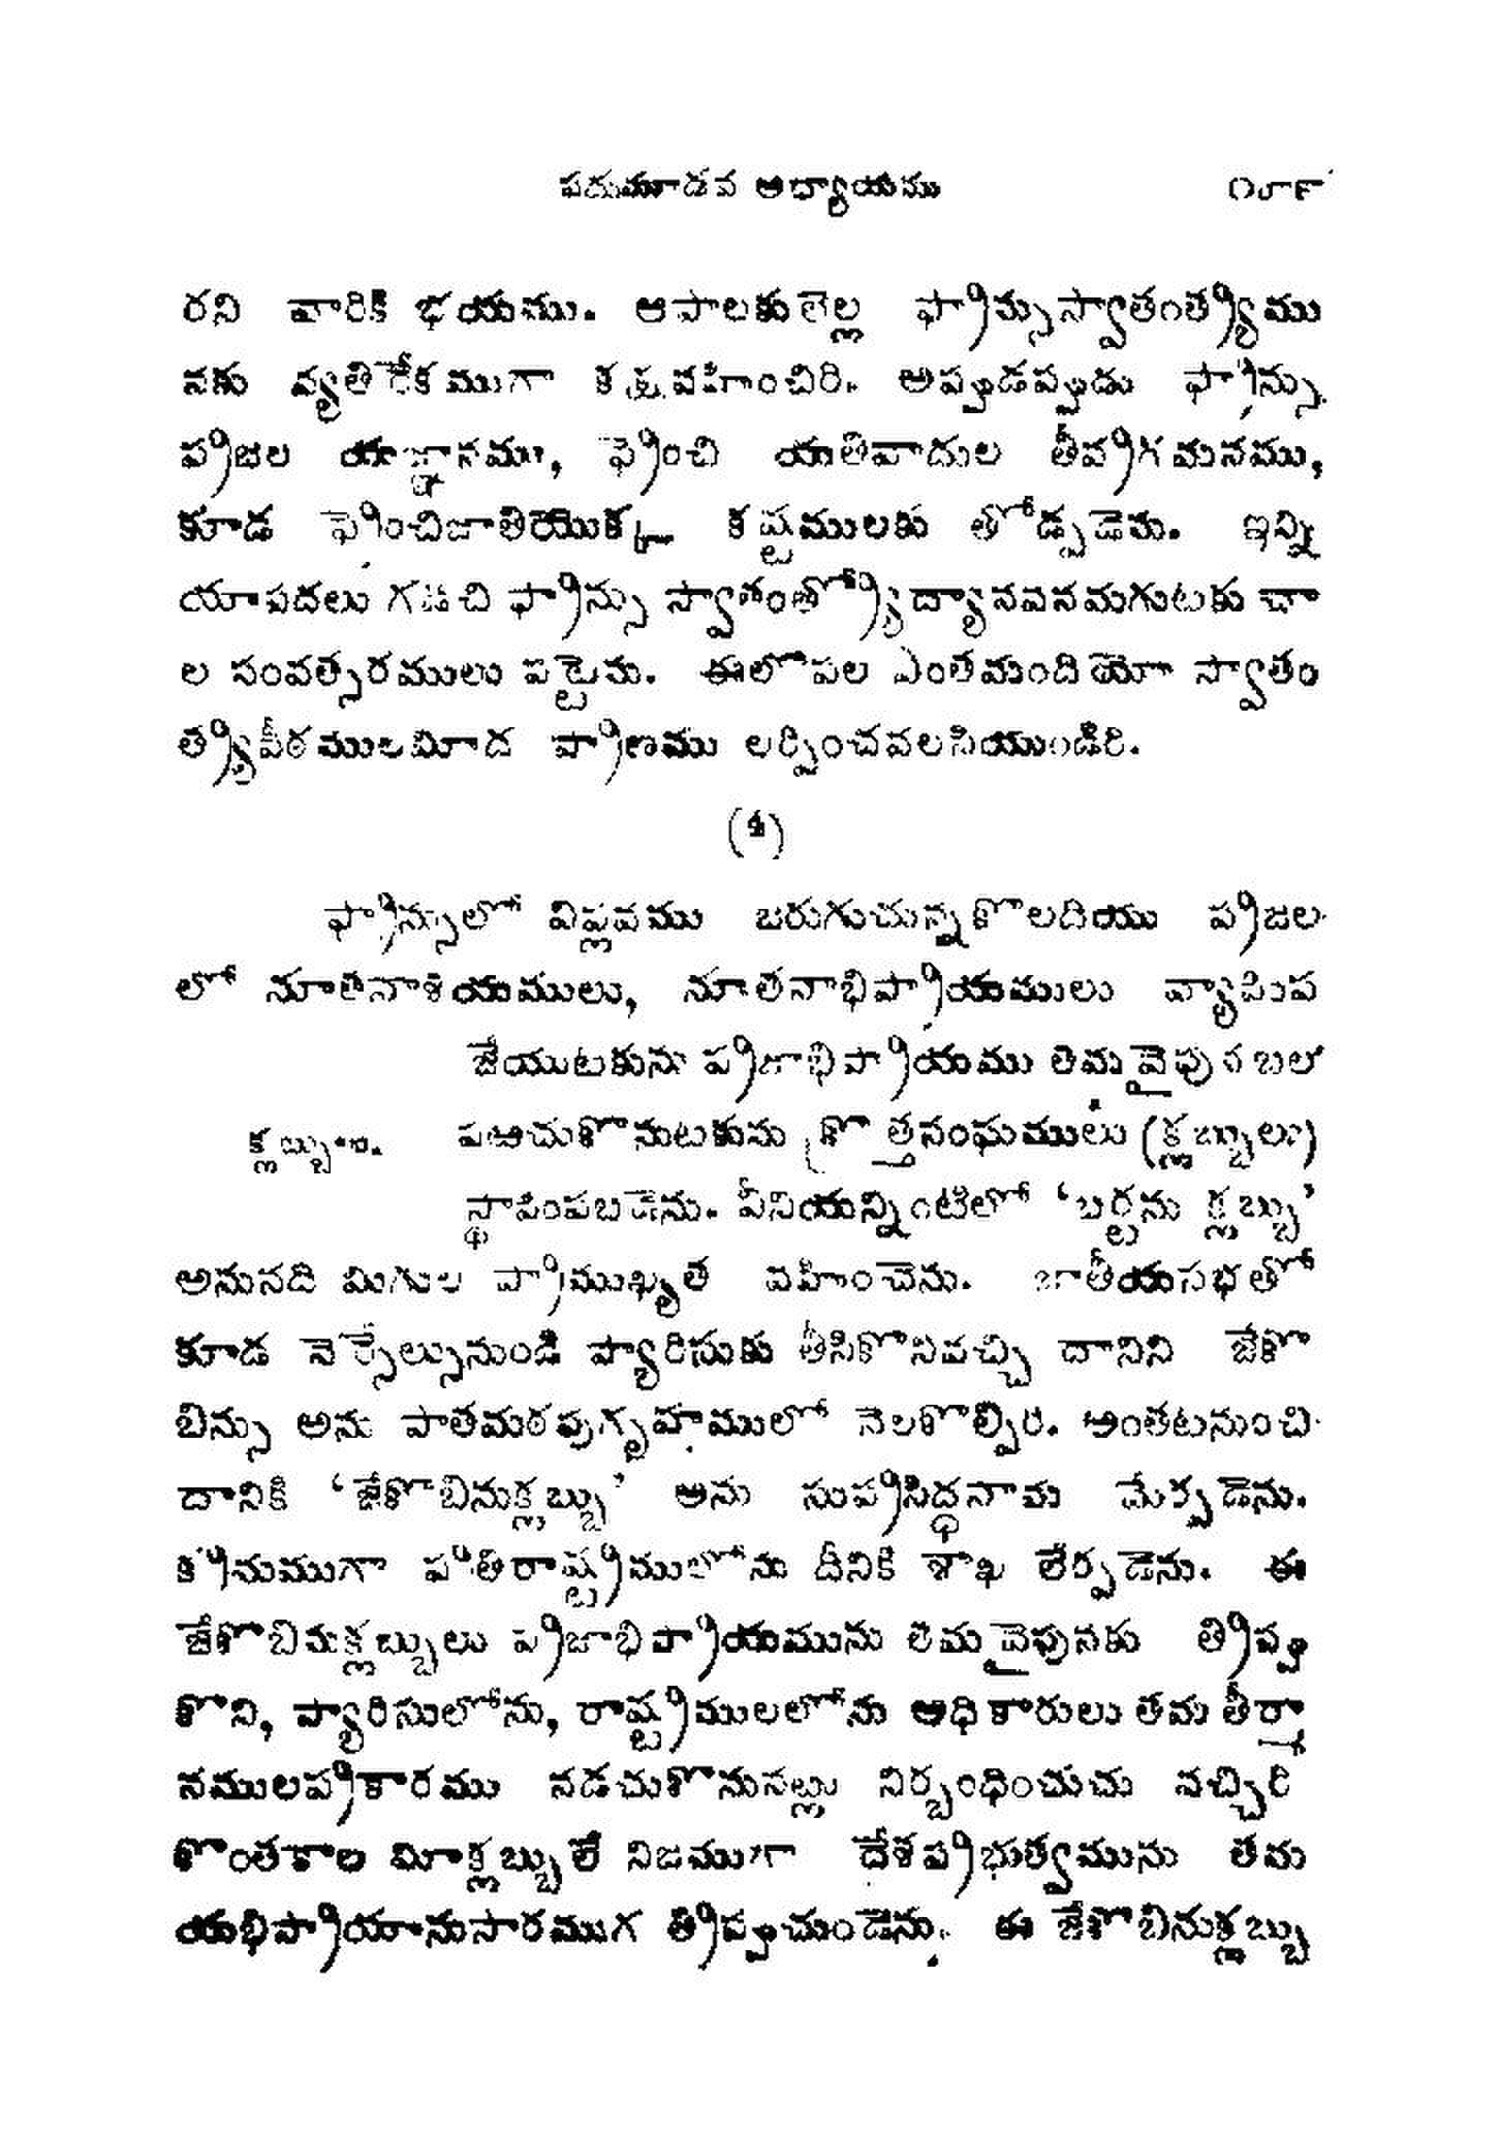క్లబ్బులు

రని వారికి భయము. ఆ పాలకు లెల్ల ఫ్రాంన్సుస్వాతంత్యము
నకు వ్యతిరేకముగా కక్ష వహించిరి. అప్పుడప్పుడు ఫా'న్సు,
ప్రజల యజ్ఞానము, ఫ్రెంచి యతివాదుల తీవ్రగమనము,
కూడ ఫ్రెంచిజాతియొక్క కష్టములకు తోడ్పడెను. ఇన్ని
యాపదలు గడచి ఫ్రాన్సు స్వాతంత్రోద్యా నవనమగుటకు చా
ల సంవత్సరములు పెట్టెను. ఈలోపల ఎంతమంది యో సా స్వాతం
త్య పీఠముల మీద ప్రాణము లర్పించవలసియుండిరి

ఫ్రాన్సులో విప్లవము జరుగుచున్న కొలదియు ప్రజలు
లో నూతనాశయములు, నూతనాభిప్రాయములు వ్యాపింప
జేయుటకును ప్రజాభిప్రాయము తమ వైపున బల
పరచుకొనుటకును ,కొత్తసంఘములు (క్లబ్బులు)
స్థాపింపబడెను. వీనియన్నింటిలో 'బర్టను క్లబ్బు
అనునది మిగుల ప్రాముఖ్యత వహించెను. జాతీయ సభలో
కూడ నెర్సేల్సునుండి ప్యారినుకు తీసికొనివచ్చి దానిని
బిన్సు అను పాతమఠ పుగృహములో నేలకొల్పిరి. అంతట నుంచి
దానికి ' జేకో బినుక్లబ్బు' అను సుప్రసిద్ధ నామ మేర్పడెను.
క్రమముగా ప్రతి రాష్ట్రములోను దీనికి శాఖ లేర్పడెను. ఈ
జెగొబిను క్లబ్బులు ప్రజాభిప్రాయమును అమ వైపునకు తిప్పు
కొని, ప్యారిసులోను, రాష్ట్రములలోను అధి కారులు తమ తీర్మా
నముల ప్రకారము నడచు కొనునట్లు నిర్బంధించుచు వచ్చిరి.
కొంతకాల మీక్లబ్బులే నిజముగా దేశ ప్రభుత్వమును తమ
యభిప్రాయానుసారముగ తిప్పుచుండెను. ఈ జెకోబిను క్లబ్బు